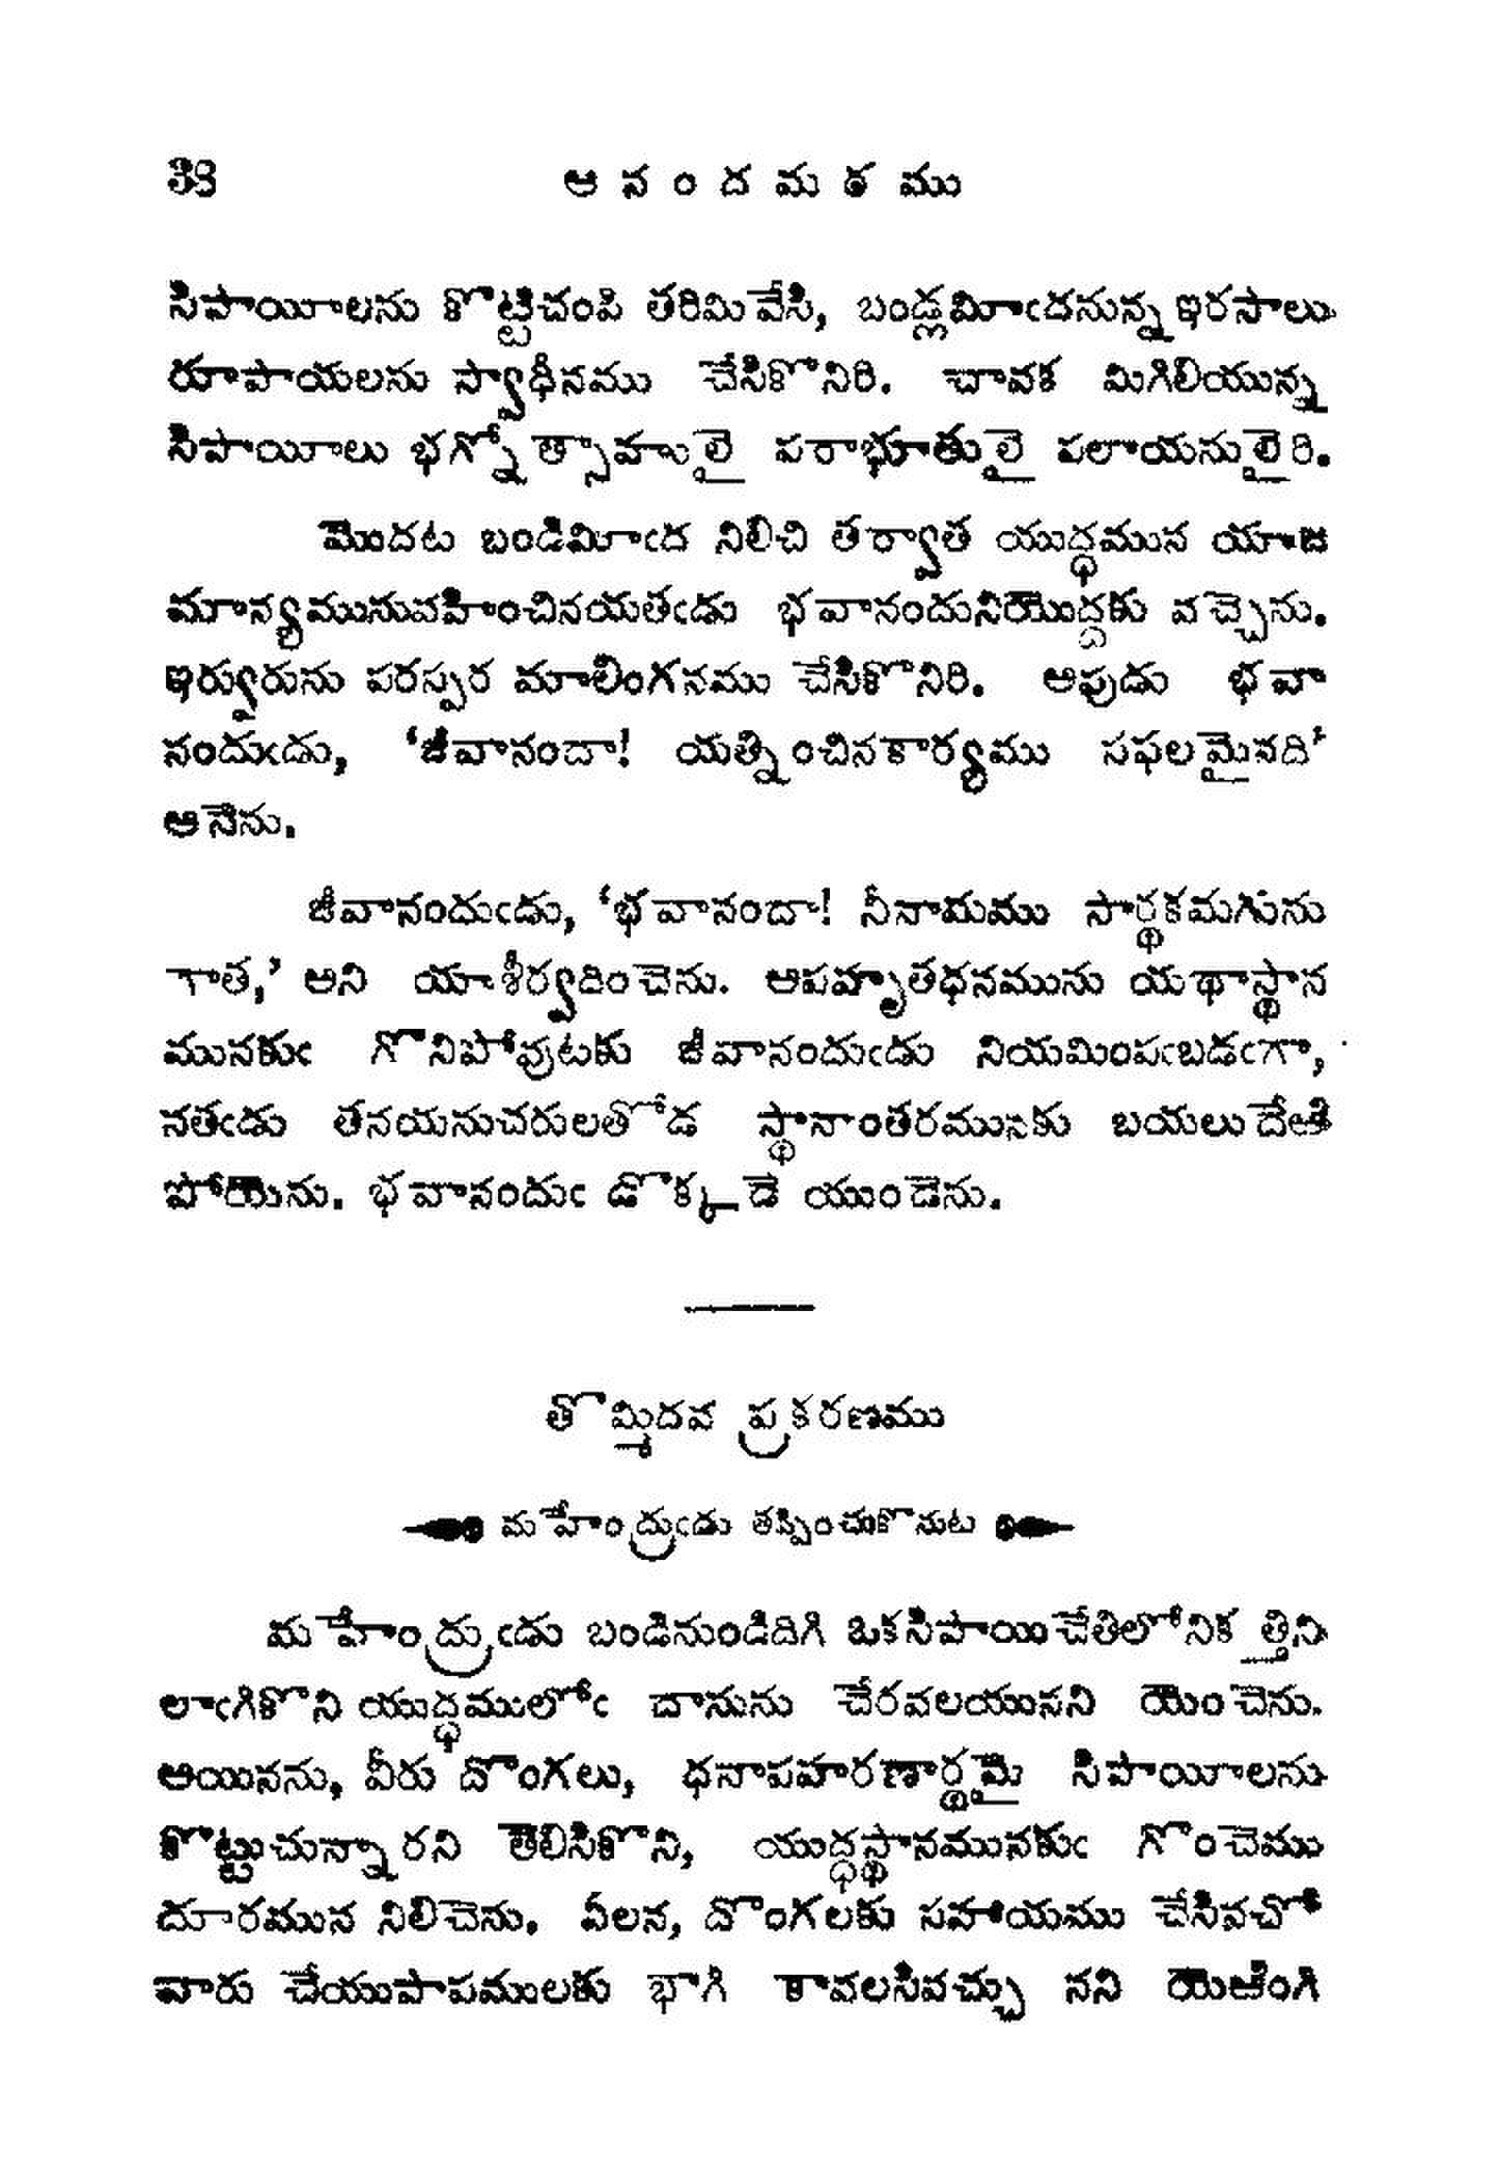సిపాయీలను కొట్టిచంపి తరిమివేసి, బండ్ల మీఁదనున్న ఇరసాలు రూపాయలను స్వాధీనము చేసికొనిరి. చావక మిగిలియున్న
సిపాయీలు భగ్నోత్సాహులై పరాభూతులై పలాయనులైరి.

మొదట బండిమీద నిలిచి తర్వాత యుద్ధమున యాజమాన్యమును వహించినయతఁడు భవానందునియొద్దకు వచ్చెను. ఇర్వురును పరస్పర మాలింగనము చేసికొనిరి. అపుడు భవానందుఁడు, 'జీవానందా ! యత్నించిన కార్యము సఫలమైనది* ఆనెను.

జీవానందుఁడు, 'భవానందా! నీ నామము సార్థకమగును గాత,' అని యాశీర్వదించెను. అపహృతధనమును యథాస్థానమునకుఁ గొనిపోవుటకు జీవానందుఁడు నియమింపఁబడఁగా, 'నతఁడు తనయనుచరులతోడ స్థానాంతరమునకు బయలుదేణి పోయెను. భవానందుఁ డొక్కడే యుండెను.

తొమ్మిదవ ప్రకరణము

మహేంద్రుఁడు తప్పించుకొనుట

మహేంద్రుఁడు బండినుండి దిగి ఒక సిపాయి చేతిలోనికత్తిని లాఁగికొని యుద్ధములోఁ దానును చేరవలయునని యెంచెను. అయినను, వీరు దొంగలు, ధనాపహరణార్థమై సిపాయీలను గొట్టుచున్నారని తెలిసికొని, యుద్ధ స్థానమునకుఁ గొంచెము దూరమున నిలిచెను, ఏలన, దొంగలకు సహాయము చేసినచో వారు చేయుపాపములకు భాగి కావలసివచ్చు నని యెఱింగి